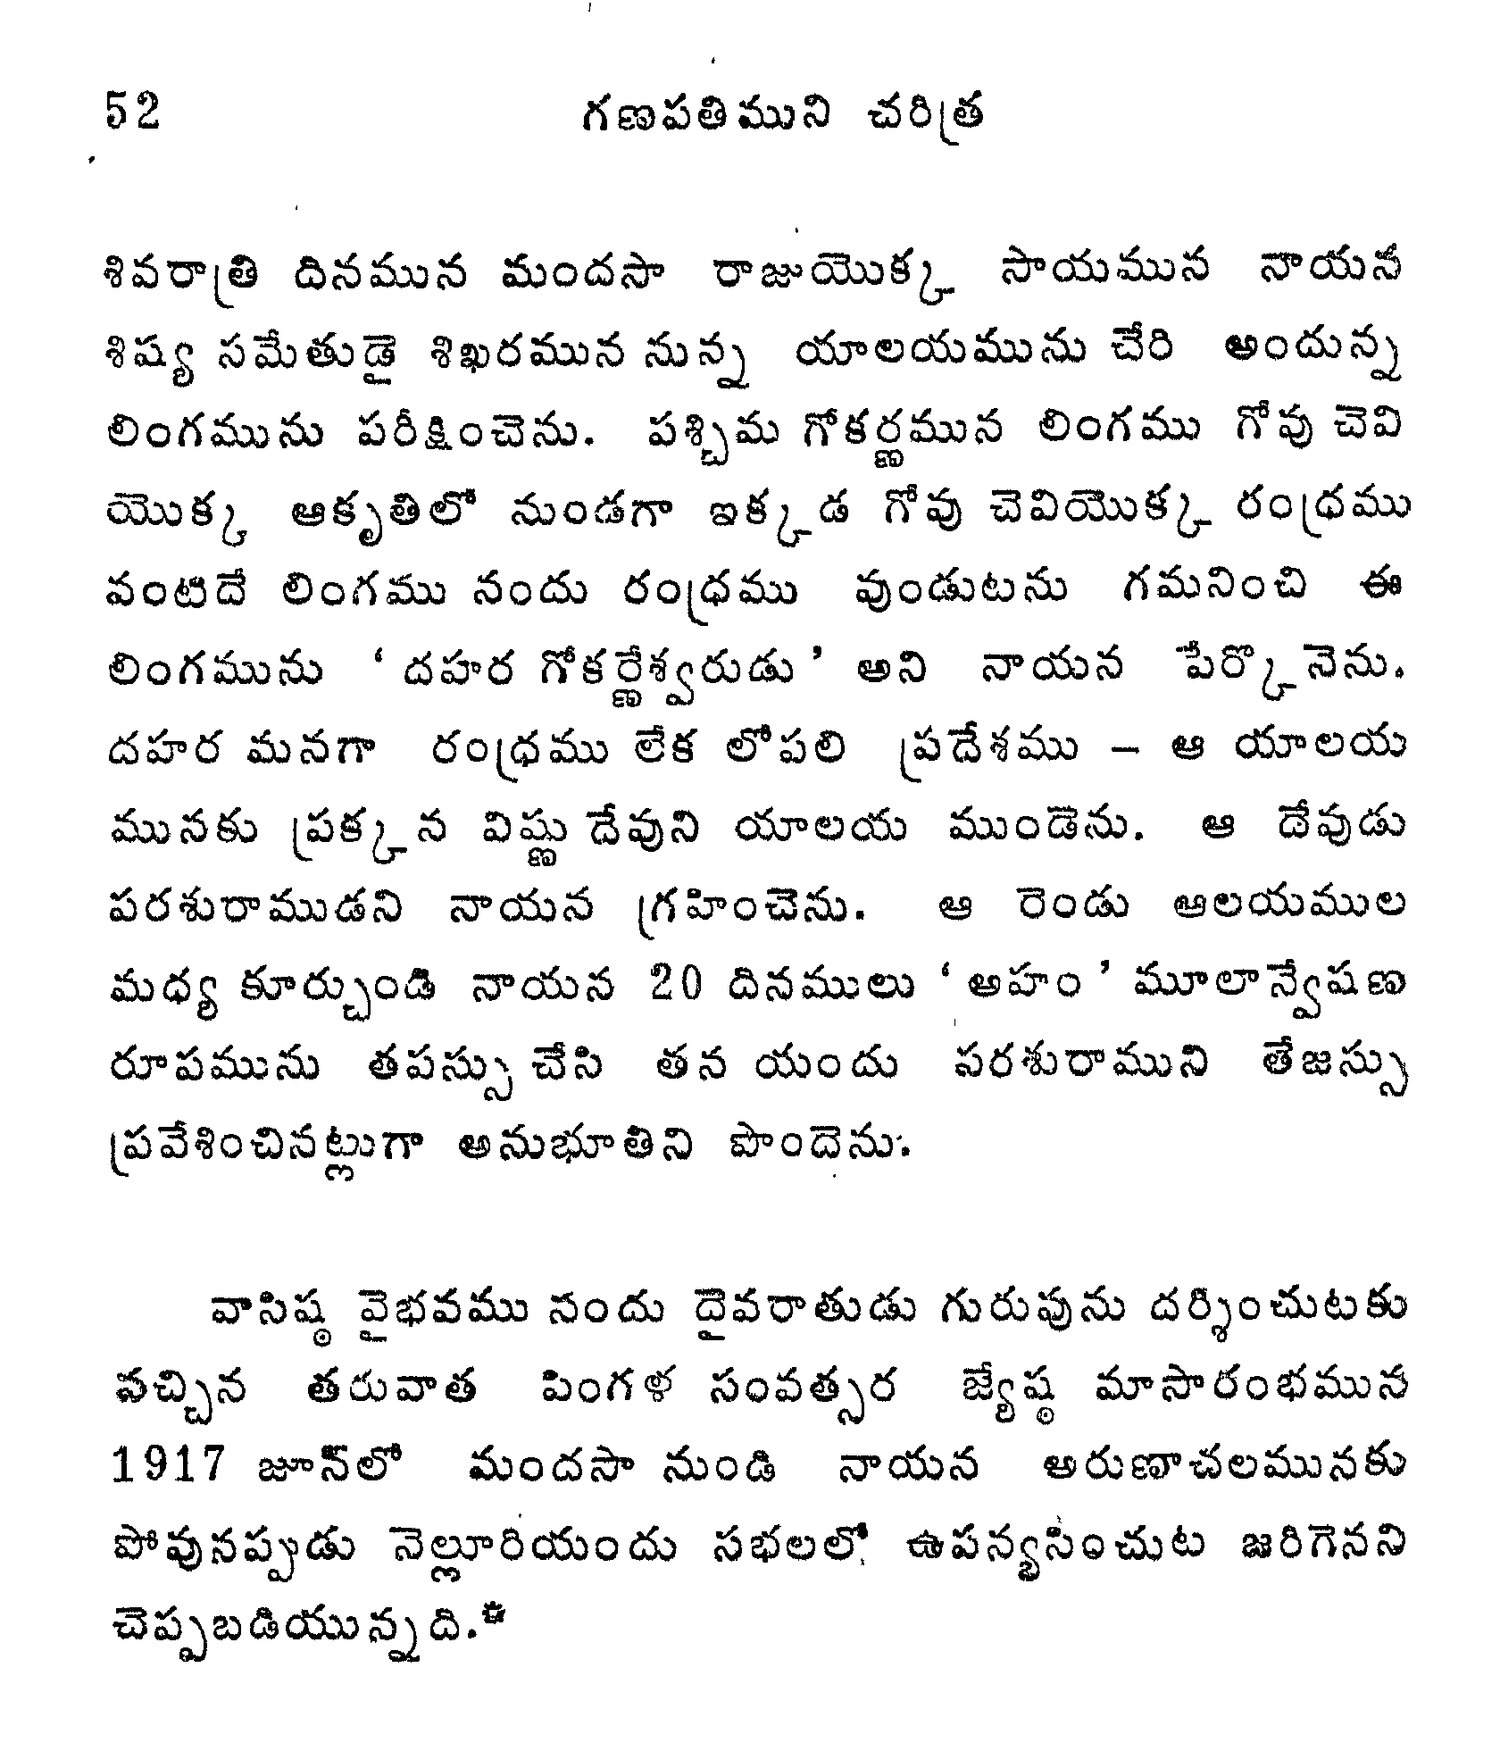శివరాత్రి దినమున మందసా రాజుయొక్క సాయమున నాయన శిష్య సమేతుడై శిఖరమున నున్న యాలయమును చేరి అందున్న లింగమును పరీక్షించెను. పశ్చిమ గోకర్ణమున లింగము గోవు చెవి యొక్క ఆకృతిలో నుండగా ఇక్కడ గోవు చెవియొక్క రంధ్రము వంటిదే లింగము నందు రంధ్రము వుండుటను గమనించి ఈ లింగమును 'దహర గోకర్ణేశ్వరుడు' అని నాయన పేర్కొనెను. దహర మనగా రంధ్రము లేక లోపలి ప్రదేశము - ఆ యాలయమునకు ప్రక్కన విష్ణు దేవుని యాలయ ముండెను. ఆ దేవుడు పరశురాముడని నాయన గ్రహించెను. ఆ రెండు ఆలయముల మధ్య కూర్చుండి నాయన 20 దినములు 'అహం' మూలాన్వేషణ రూపమును తపస్సు చేసి తన యందు పరశురాముని తేజస్సు ప్రవేశించినట్లుగా అనుభూతిని పొందెను.

వాసిష్ఠ వైభవము నందు దైవరాతుడు గురువును దర్శించుటకు వచ్చిన తరువాత పింగళ సంవత్సర జ్యేష్ఠ మాసారంభమున 1917 జూన్‌లో మందసా నుండి నాయన అరుణాచలమునకు పోవునప్పుడు నెల్లూరియందు సభలలో ఉపన్యసించుట జరిగెనని చెప్పబడియున్నది.*